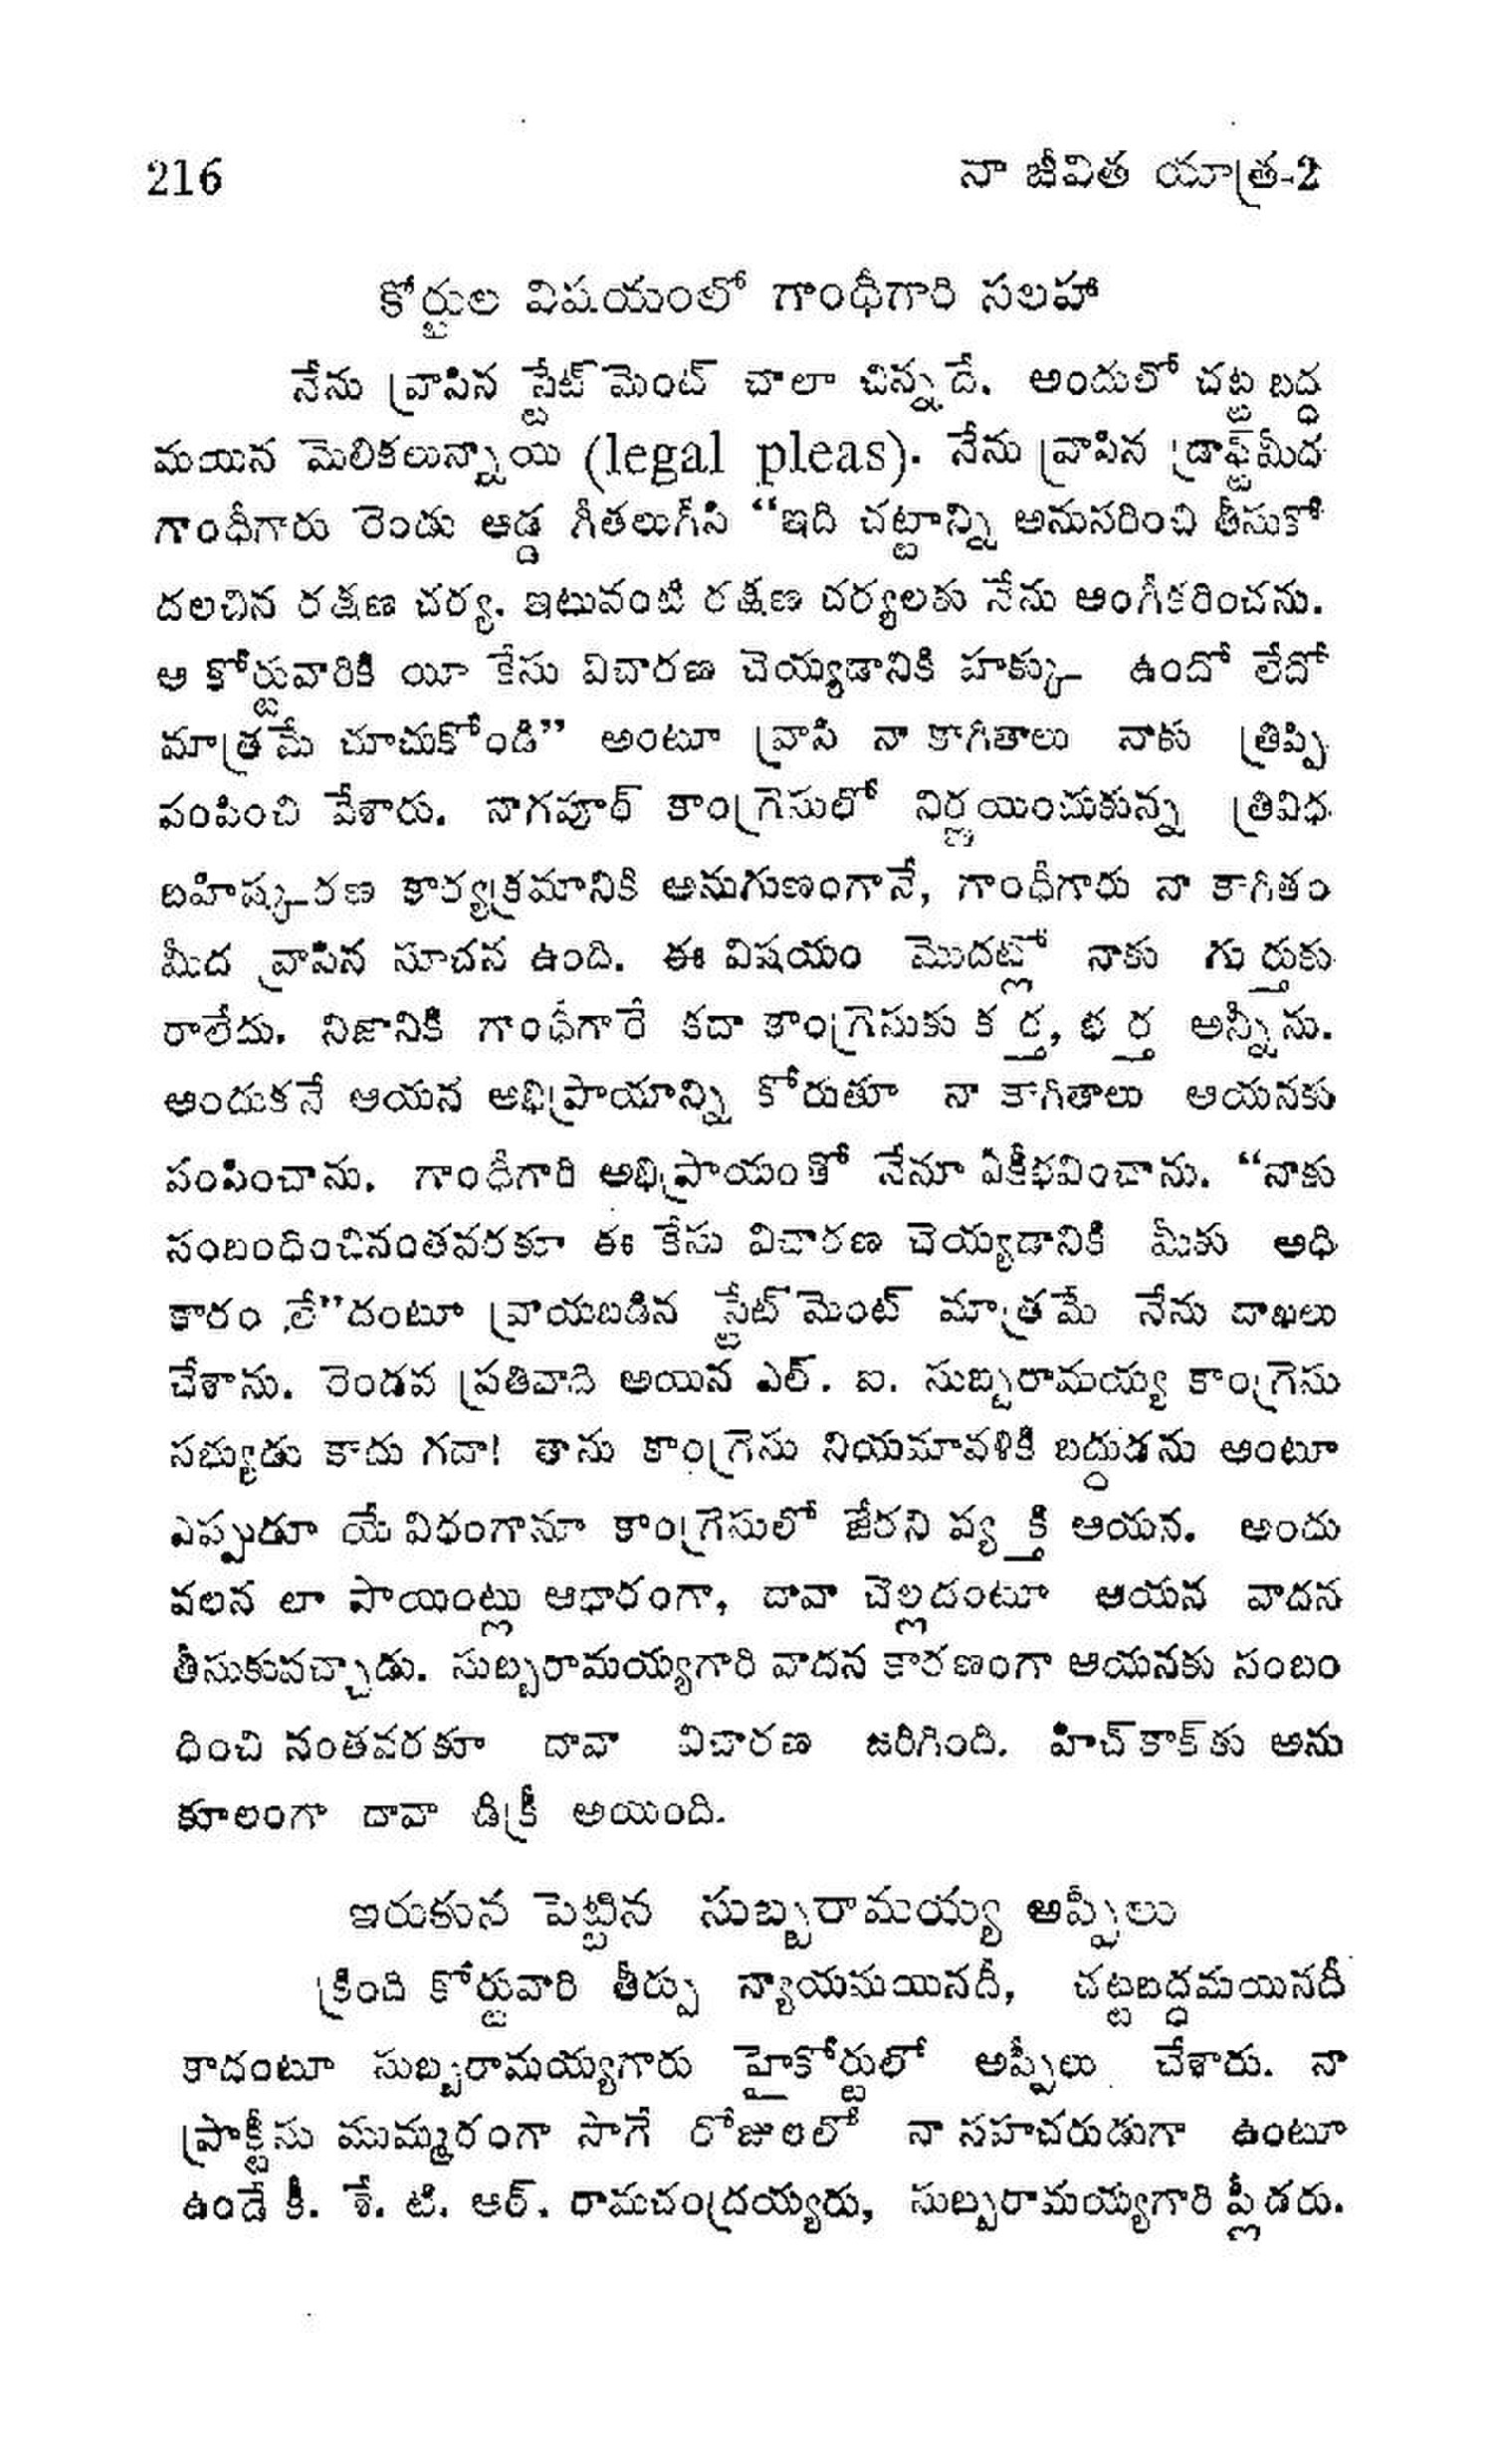నేను వ్రాసిన స్టేటుమెంటు చాలా చిన్నదే. అందులో చట్ట బద్ధ మయిన మెలికలున్నాయి (Legal Pleas). నేను వ్రాసిన డ్రాఫ్ట్ మేద గాంధీగారు రెండు అడ్డ గీతలుగీసి "ఇది చట్టాన్ని అనుసరించి తీసుకో దలచిన రక్షణ చర్య. ఇటువంటి రక్షణ చర్యలకు నేను అంగీకరించను. ఆ కోర్టువారికి యీ కేసు విచారణ చెయ్యడానికి హక్కు ఉందో లేదో మాత్రమే చూచుకోండి" అంటూ వ్రాసి నా కాగితాలు నాకు త్రిప్పి పంపించి వేశారు. నాగపూర్ కాంగ్రెసులో నిర్ణయించుకున్న త్రివిధ బహిష్కరణ కార్యక్రమానికి అనుగుణంగానే, గాంధీగారు నా కాగితం మీద వ్రాసిన సూచన ఉంది. ఈ విషయం మొదట్లో నాకు గుర్తుకు రాలేదు. నిజానికి గాంధీగారే కదా కాంగ్రెసుకు కర్త, భర్త అన్నీను. అందుకనే ఆయన అభిప్రాయాన్ని కోరుతూ నా కాగితాలు ఆయనకు పంపించాను. గాంధీగారి అభిప్రాయంతో నేనూ ఏకీభవించాను. "నాకు సంబందించినవరకూ ఈ కేసు విచారణ చెయ్యడానికి మీకు అధికారం లే" దంటూ వ్రాయబడిన స్టేట్‌మెంట్ మాత్రమే నేను దాఖలు చేశాను. రెండవ ప్రతివాది అయిన ఎల్.ఐ.సుబ్బరామయ్య కాంగ్రెసు సభ్యుడు కాదు గదా! తాను కాంగ్రెసు నియమావళికి బద్దుడను అంటూ ఎప్పుడూ యే విధంగానూ కాంగ్రెసులో జేరని వ్యక్తి ఆయన. అందువలన లా పాయింట్లు ఆధారంగా, దావా చెల్లదంటూ ఆయన వాదన తీసుకువచ్చాడు. సుబ్బరామయ్యగారి వాదన కారణంగా ఆయనకు సంబంధించి నంతవరకూ దావా విచారణ జరిగింది. హిచ్‌కాక్ కు అనుకూలంగా దావా డిక్రీ అయింది.

క్రింది కోర్టువారి తీర్పు న్యాయమయినదీ, చట్టబద్దమయినదీ కాదంటూ సుబ్బరామయ్యగారు హైకోర్టులో అప్పీలు చేశారు. నాప్రాక్టీసు ముమ్మరంగా సాగే రోజులలో నా సహచరుడుగా ఉంటూ ఉండే కీ.శే.టి.ఆర్.రామచంద్రయ్యరు, సుబ్బరామయ్యగారి ప్లీడరు.